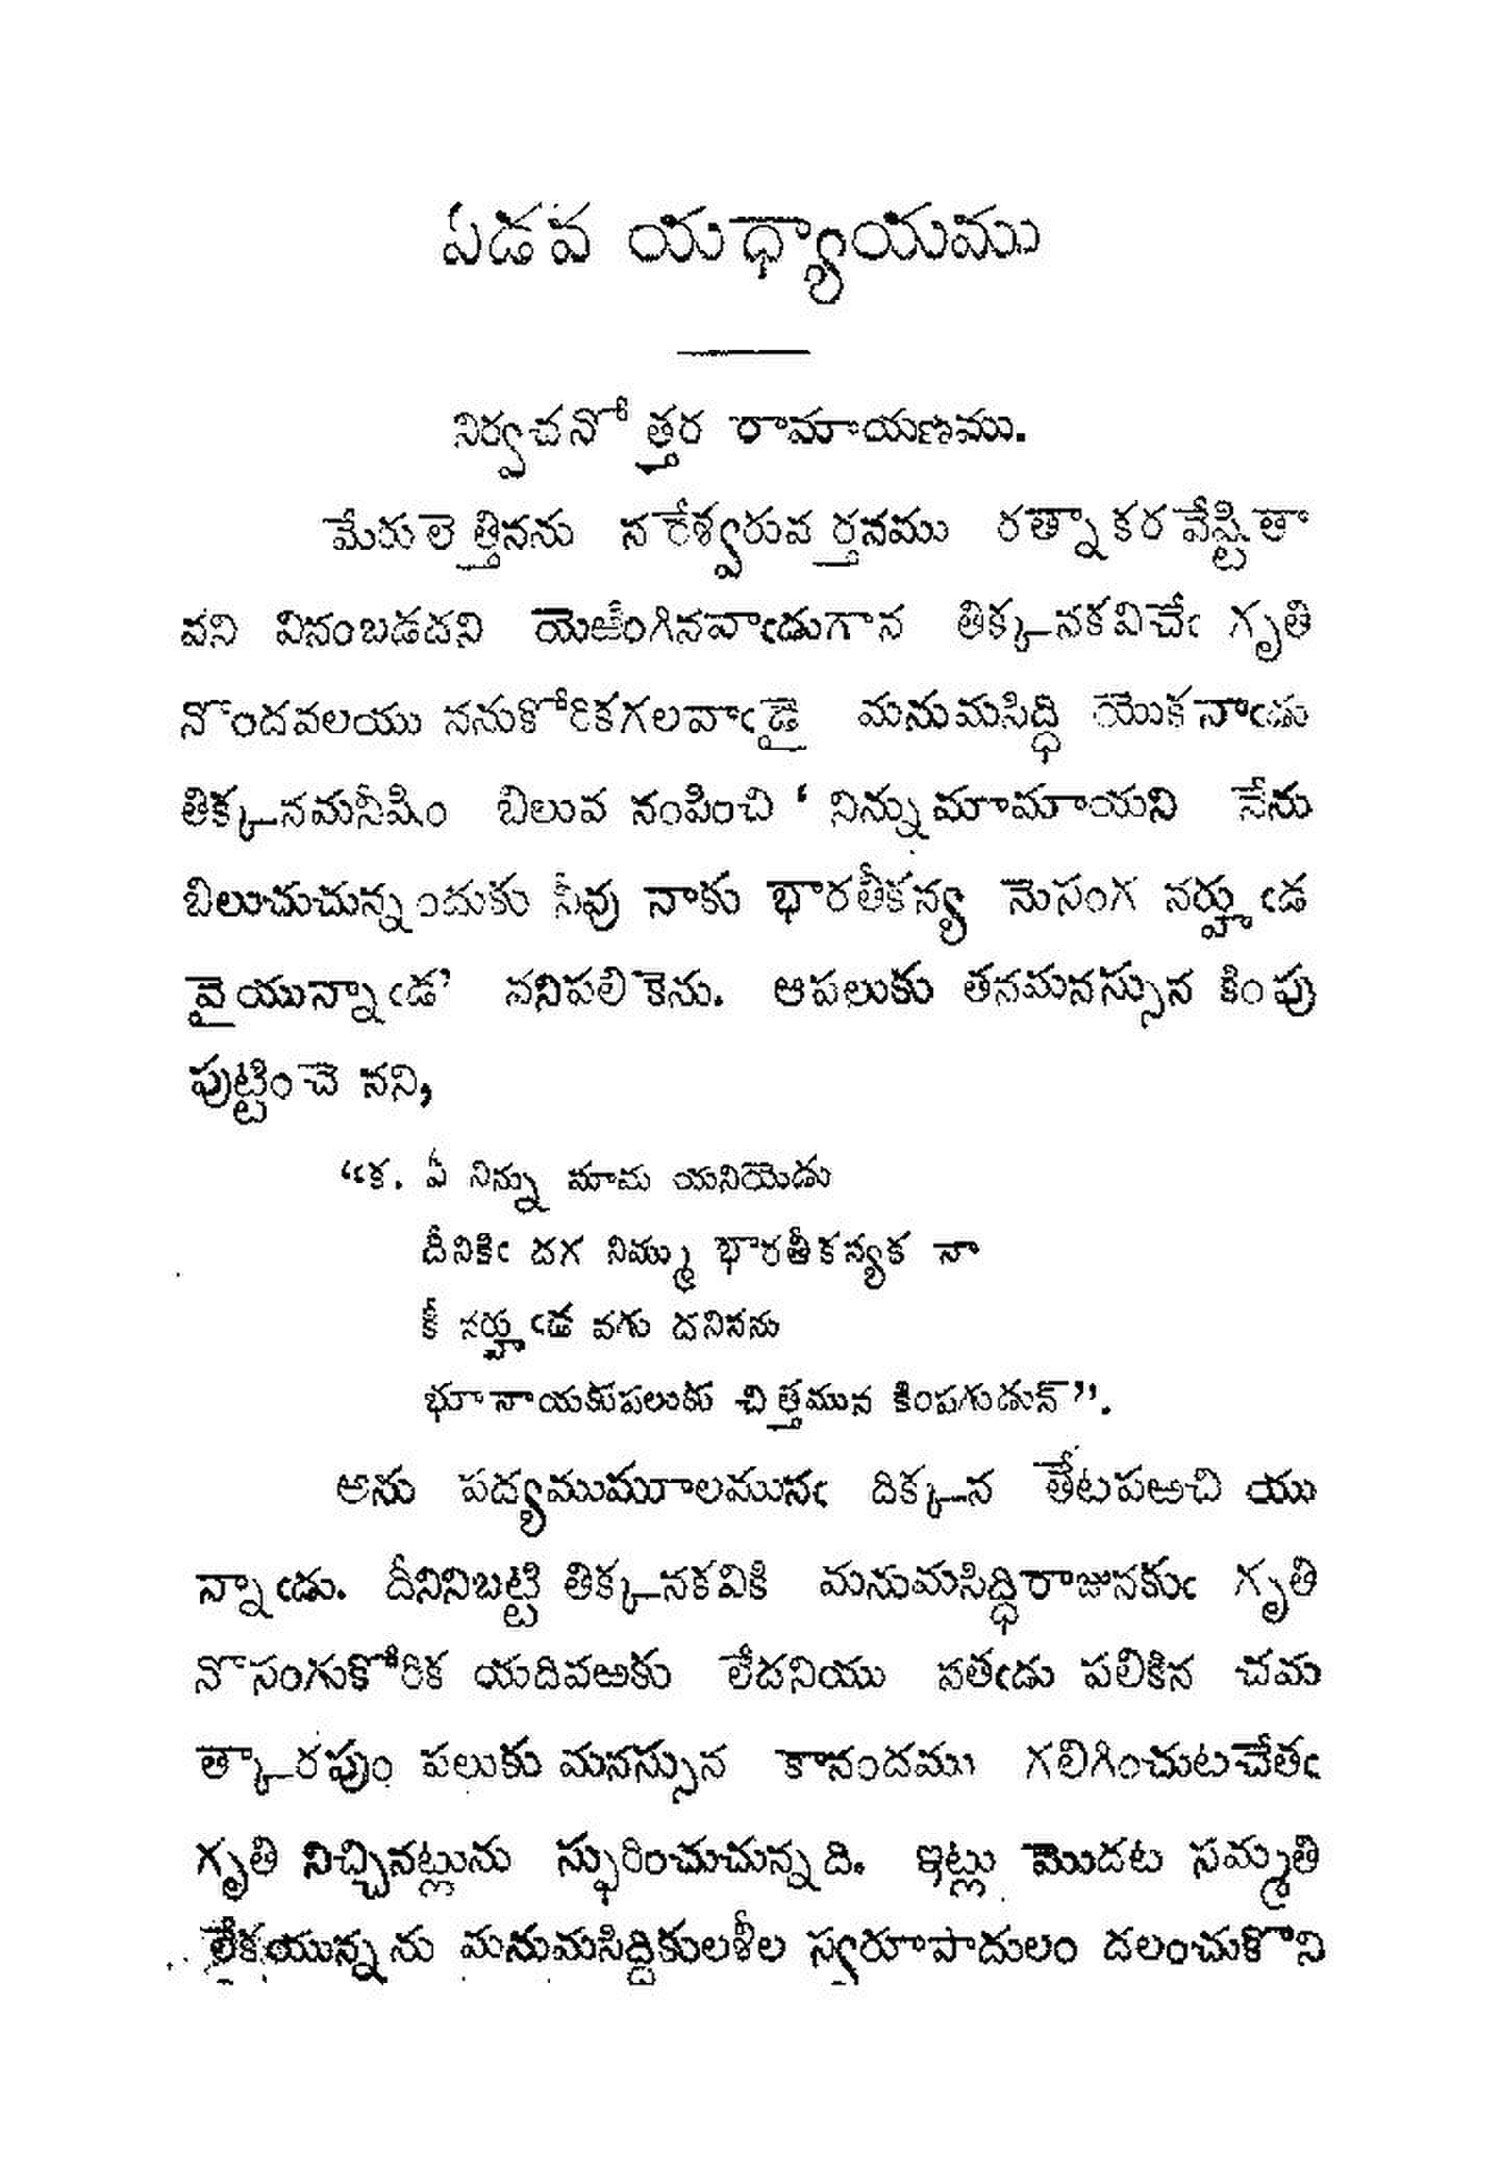ఏడవ యధ్యాయము
నిర్వచనోత్తర రామాయణము.

మేరులెత్తినను సరేశ్వరువర్తనము రత్నాకరవేష్టితావని వినంబడదని యెఱింగినవాఁడుగాన తిక్కనకవిచేఁ గృతినొందవలయు ననుకోరికగలవాఁడై మనుమసిద్ధి యొకనాఁడు తిక్కనమనీషిం బిలువ నంపించి 'నిన్నుమామాయని నేను బిలుచుచున్నందుకు నీవు నాకు భారతీకన్య నొసంగ నర్హుఁడవైయున్నాఁడ' వనిపలికెను. ఆపలుకు తనమనస్సున కింపు పుట్టించె నని,

"క. ఏ నిన్ను మామ యనియెడు
 దీనికిఁ దగ నిమ్ము భారతీకన్యక నా 
 కీ నర్హుఁడ వగు దనినను
 భూనాయకుపలుకు చిత్తమున కింపగుడున్".
అను పద్యముమూలమునఁ దిక్కన తేటపఱచి యున్నాఁడు. దీనినిబట్టి తిక్కనకవికి మనుమసిద్దిరాజునకుఁ గృతి నొసంగుకోరిక యదివఱకు లేదనియు నతఁడు పలికిన చమత్కారపుం పలుకు మనస్సున కానందము గలిగించుటచేతఁ గృతి నిచ్చినట్లును స్ఫురించుచున్నది. ఇట్లు మొదట సమ్మతిలేకయున్నను మనుమసిద్ధికులశీల స్వరూపాదులం దలంచుకొని